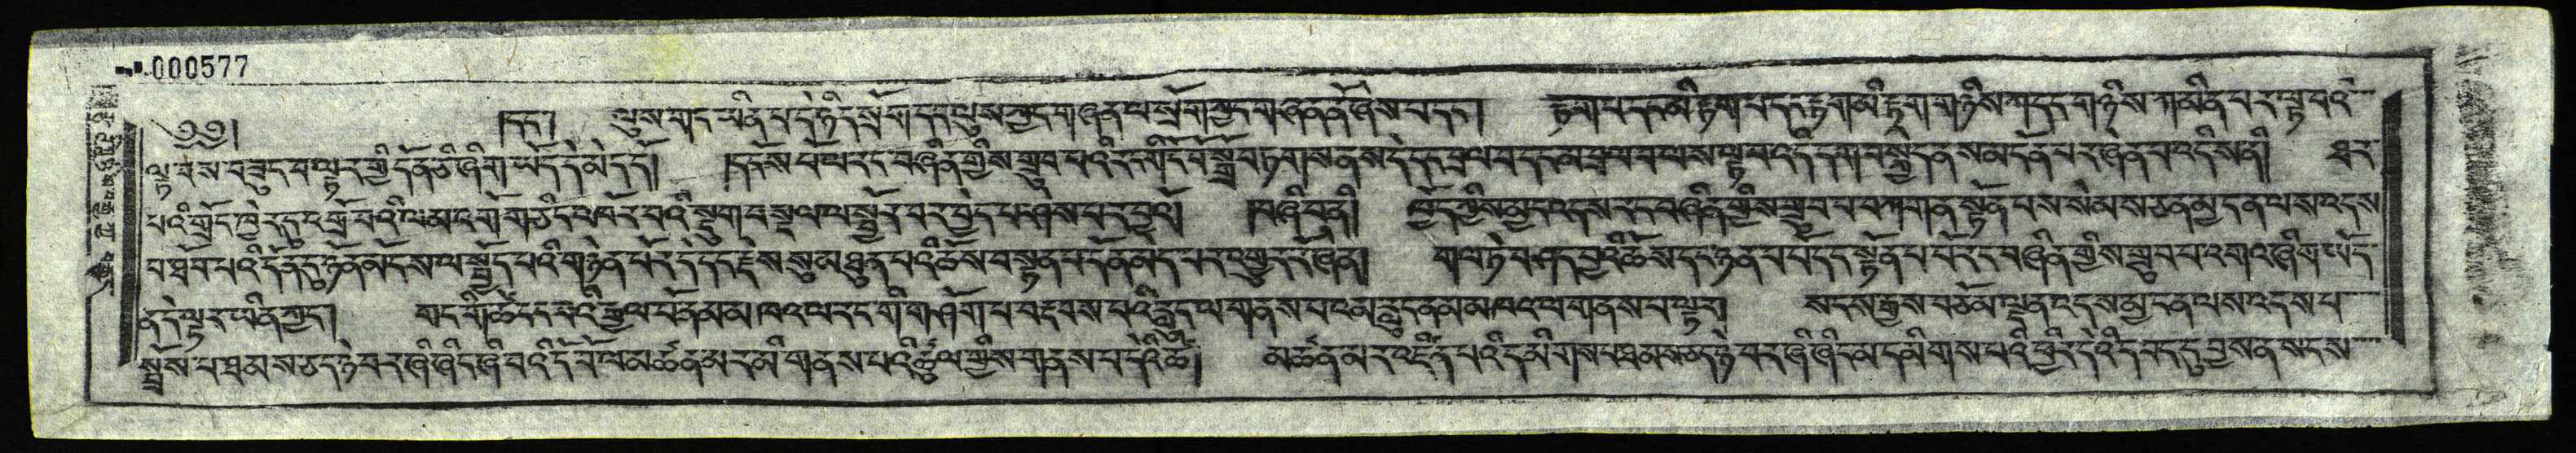༄༅། །དང་། ལུས་གང་ཡིན་པ་དེ་ཉིད་སྲོག་དང་ལུས་ཀྱང་གཞན་ལ་སྲོག་ཀྱང་གཞན་ནོ་ཞེས་པ་དང་། རྟག་པ་དང་མི་རྟག་པ་དང་རྟག་མི་རྟག་གཉིས་ཀ་དང་གཉིས་ཀ་མིན་པར་ལྟ་བའི་
ལྟ་བས་བཟུང་བ་ལྟར་གྱི་དོན་ཅི་ཞིག་ཡོད་དེ་མེད་དོ། །དངོས་པོ་ལ་རང་བཞིན་གྱིས་གྲུབ་པའི་རང་གི་ངོ་བོ་སྒྲོ་བཏགས་ནས་དེ་དང་བྲལ་བ་དང་མ་བྲལ་བ་ལས་ལྟ་བ་འདི་དག་བསྐྱེད་ནས་མངོན་པར་ཞེན་པ་འདིས་ནི། ཐར་
པའི་གྲོང་ཁྱེར་དུ་འགྲོ་བའི་ལམ་འགོག་ཅིང་འཁོར་བའི་སྡུག་བསྔལ་ལ་སྦྱོར་བར་བྱེད་པ་ཤེས་པར་བྱའོ། །བཞི་པ་ནི། ཁྱོད་ཀྱིས་མྱང་འདས་རང་བཞིན་གྱིས་གྲུབ་པ་བཀག་ན་སྟོན་པས་སེམས་ཅན་མྱ་ངན་ལས་འདས་
པ་ཐོབ་པའི་དོན་དུ་ཉོན་མོངས་ལ་སྤྱོད་པའི་གཉེན་པོར་དེ་དང་རྗེས་སུ་མཐུན་པའི་ཆོས་བསྟན་པ་དོན་མེད་པར་འགྱུར་རོ་ཞེ་ན། གལ་ཏེ་བཤད་བྱའི་ཆོས་དང་ཉན་པ་པོ་དང་སྟོན་པ་པོ་རང་བཞིན་གྱིས་གྲུབ་པ་འགའ་ཞིག་ཡོད་
ན་དེ་ལྟར་ཡིན་ཀྱང་། གང་གི་ཚེ་དང་བའི་རྒྱལ་པོ་ནམ་མཁའ་ལ་རང་གི་གཤོག་པ་བརྡབས་པའི་རླུང་ལ་གནས་པའམ་རླུང་ནམ་མཁའ་ལ་གནས་པ་ལྟར། སངས་རྒྱས་བཅོམ་ལྡན་འདས་མྱ་ངན་ལས་འདས་པ་
སྤྲོས་པ་ཐམས་ཅད་ཉེ་བར་ཞི་ཞིང་ཞི་བའི་ངོ་བོ་ལ་མཚན་མར་མི་གནས་པའི་ཚུལ་གྱིས་གནས་པ་དེའི་ཚེ། མཚན་མར་འཛིན་པའི་དམིགས་པ་ཐམས་ཅད་ཉེ་བར་ཞི་ཞིང་མ་དམིགས་པའི་ཕྱིར་དེའི་དབང་དུ་བྱས་ན་སངས་